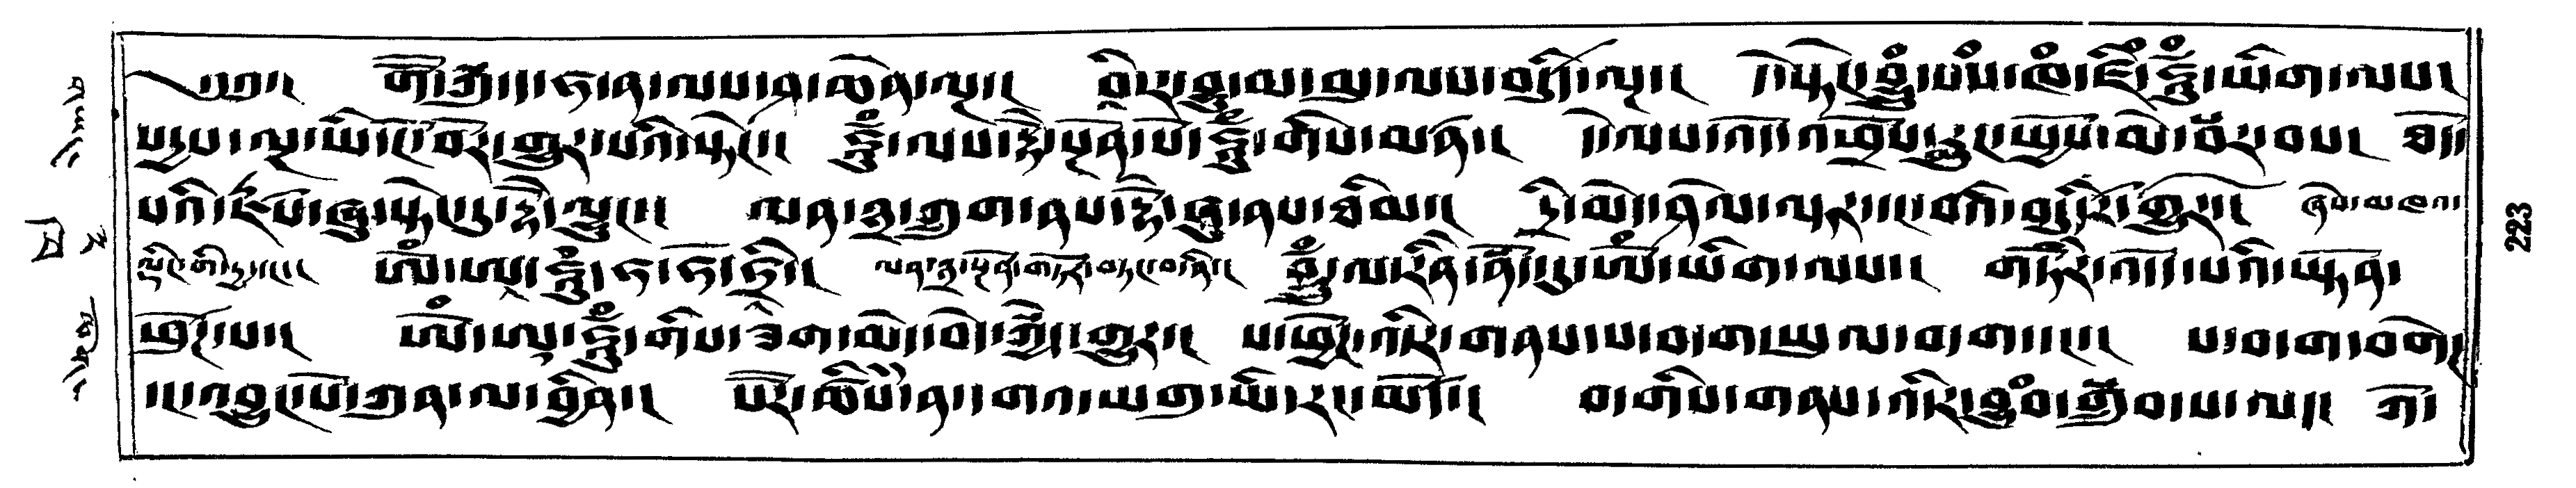གོ་ཀུ་ད་ཧ་ན་ལས་ཤ་ཆེན་ལྔ་། བཱི་ར་ཤུ་མ་མུ་ལས་བདུད་རྩི་ལྔ་། དེ་སྟེང་བྷྲུྃ་སམས་ཁཾ་ཛིཾ་ཧཱུྃ་ཡིག་ལས། 
སངས་རྒྱས་ལྔ་ཡི་ངོ་བོར་གྱུར་པའི་སྟེང་། །ཧཱུྃ་ལས་རྡོ་རྗེ་སྔོན་པོ་ཧཱུྃ་གིས་མཚན། །དེ་ལས་འོད་འཕྲོས་རླུང་གཡོས་མེ་སྦར་བས། །ཐོད་
པའི་རྫས་ཞུ་སྟེང་དུ་རྡོ་རྗེ་ལྷུང་། །ལན་གསུམ་དཀྲུག་ནས་རྡོ་རྗེ་ཞུ་ནས་ཐིམ། །དྲི་མེད་ཤེལ་ལྟར་དྭངས་པའི་བདུད་རྩིར་གྱུར། ཞེས་མཁའ་
ལྡིང་གི་རྒྱ་དང་། ཨོཾ་ཨཱ་ཧཱུཾ་ཧ་ཧོ་ཧྲཱི། ལན་གསུམ་སྔོན་གཏོར་བཏང་བ་ནི། བྷྲུྃ་ལ་རིན་ཆེན་སྣོད་དུ་ཨོཾ་ཡིག་ལས། །གཏོར་མ་འདོད་པའི་ཡོན་ཏན་
ཕུན་ཚོགས་པ། ཨོཾ་ཨཱ་ཧཱུྃ་གིས་ཟག་མེད་བདེ་སྐྱེད་གྱུར། །ས་ཕྱོགས་འདིར་གནས་ས་བདག་ཡུལ་བདག་དང་། ས་བདག་བགེགས་
དང་འབྱུང་པོ་ཀུན་ལ་བྱིན། །སོ་སོར་ཚིམས་ན་དགའ་མགུ་ཡི་རང་མཛོད། །བདག་གིས་གནས་འདིར་བྱང་ཆུབ་སྒྲུབ་པ་ལ། །ཀོ་